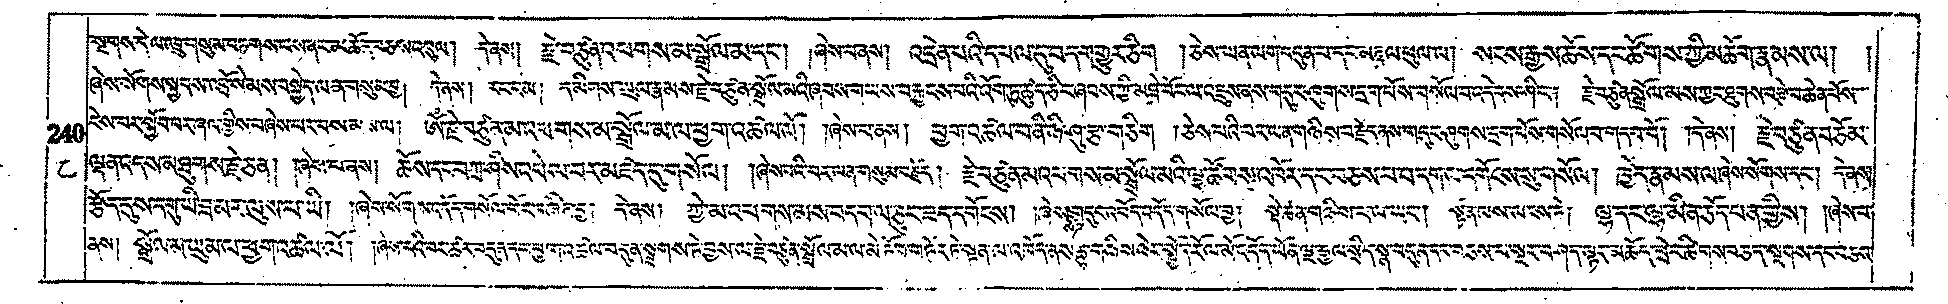སྔགས་དེ་ལ་འབྲུ་གསུམ་བཏགས་པས་ནང་མཆོད་བཅས་འབུལ། དེ་ནས།  རྗེ་བཙུན་འཕགས་མ་སྒྲོལ་མ་དང་། །ཞེས་པ་ནས།  འདྲེན་པའི་དཔལ་དུ་བདག་གྱུར་ཅིག་།ཅེས་ཡན་ལག་བདུན་པ་དང་མཎྜལ་ཕུལ་ལ།  སངས་རྒྱས་ཆོས་དང་ཚོགས་ཀྱི་མཆོག་རྣམས་ལ། །
ཞེས་སོགས་སྐྱབས་འགྲོ་སེམས་བསྐྱེད་ལན་གསུམ་བྱ། དེ་ནས། རང་ངམ། དམིགས་ཡུལ་རྣམས་རྗེ་བཙུན་སྒྲོལ་མའི་ཞབས་གཡས་བརྐྱངས་པའི་འོག་ཏུ་ཚུད་ཅིང་ཞབས་ཀྱི་མཐེ་བོང་ལ་འཇུས་ནས་གདུང་ཤུགས་དྲག་པོས་གསོལ་བ་འདེབས་ཤིང་། རྗེ་བཙུན་སྒྲོལ་མས་ཀྱང་ཐུགས་བརྩེ་བ་ཆེན་པོས་་་
ངེས་པར་སྐྱོབ་པར་ཞལ་གྱིས་བཞེས་པར་བསམས་ལ། ཨོཾ་རྗེ་བཙུན་མ་འཕགས་མ་སྒྲོལ་མ་ལ་ཕྱག་འཚལ་ལོ། །ཞེས་པ་ནས།  ཕྱག་འཚལ་བ་ནི་ཉི་ཤུ་རྩ་གཅིག་།ཅེས་པའི་བར་ལན་གཉིས་བརྗོད་ནས་གདུང་ཤུགས་དྲག་པོས་གསོལ་བ་གདབ་བོ། །དེ་ནས།  རྗེ་བཙུན་བཅོམ་
ལྡན་འདས་མ་ཐུགས་རྗེ་ཅན། །ཞེས་པ་ནས།  ཆོས་དང་བཀྲ་ཤིས་འཕེལ་བར་མཛད་དུ་གསོལ། །ཞེས་པའི་བར་ལན་གསུམ་བརྗོད།  རྗེ་བཙུན་མ་འཕགས་མ་སྒྲོལ་མའི་ལྷ་ཚོགས་འཁོར་དང་བཅས་པ་བདག་ལ་དགོངས་སུ་གསོལ། ཁྱེད་རྣམས་ལ་ཞེས་སོགས་དང་། དེ་ནས།
རྩོད་དུས་དགུ་ཡི་ཐ་མར་ལུས་པ་ཡི། །ཞེས་སོགས་འདོད་གསོལ་གོང་བཞིན་བྱ། དེ་ནས།  ཀྱེ་མ་འཕགས་མས་བདག་ལ་ཅུང་ཟད་དགོངས། །ཞེས་སོཌ་གདུང་འབོད་འདོད་གསོལ་བྱ། སྡེ་ཚན་གཉིས་པ་ལ་ཡང་། སྟན་ལས་ལངས་ཏེ།  ལྷ་དང་ལྷ་མིན་ཅོད་པ་ན་གྱིས། །ཞེས་པ་
ནས། སྒྲོལ་མ་ཡུམ་ལ་ཕྱག་འཚལ་ལོ། །ཞེས་པའི་བར་ཚར་བདུན་དང་ཕྱག་འཚལ་བདུན་སྦྲགས་ཏེ་བྱས་ལ་རྗེ་བཙུན་སྒྲོལ་མ་ལ་མེ་ཏོག་གཏོར་ཏེ་སྟན་ལ་འཁོད་ནས་ཆུ་གཉིས་ཉེར་སྤྱོད་རོལ་མོ་འདོད་ཡོན་ལྔ་རྒྱལ་སྲིད་སྣ་བདུན་དང་བཅས་པ་སྔར་བཤད་ལྟར་མཆོད་ཕྲེང་ཚིགས་བཅད་སྔགས་དང་བཅས